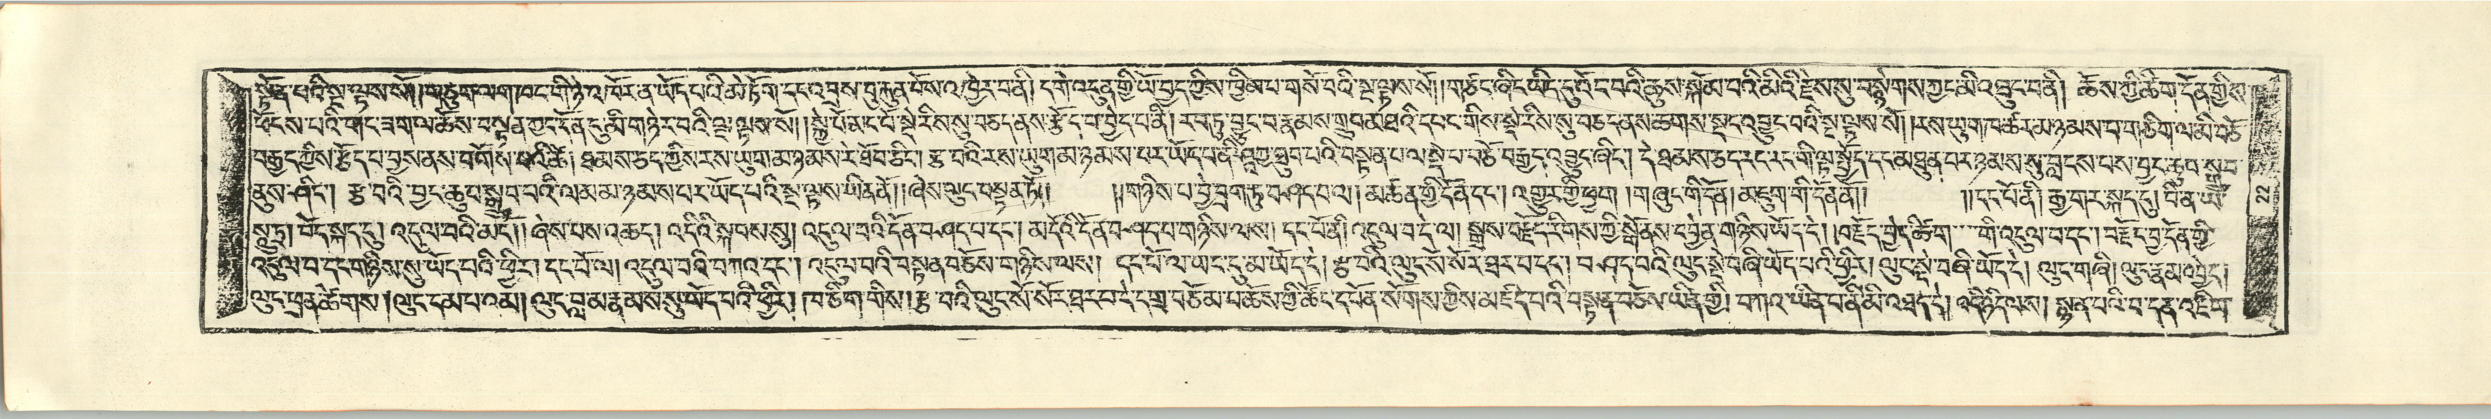སྟོན་པའི་སྔ་ལྟས་སོ། །གཅུག་ལག་ཁང་གི་ཉེ་འཁོར་ན་ཡོད་པའི་མེ་ཏོག་དང་འབྲས་བུ་རྐུན་པོས་འཁྱེར་བ་ནི། དགེ་འདུན་གྱི་ཡོ་བྱད་ཀྱིས་ཁྱིམ་པ་གསོ་བའི་སྔ་ལྟས་སོ། །གཙང་ཞིང་ཡིད་དུ་འོང་བའི་ཆུས་སྐོམ་བའི་མིའི་རྗེས་སུ་བསྙེགས་ཀྱང་མི་འཐུང་བ་ནི། ཆོས་ཀྱི་ཚིག་དོན་གྱིས་
ཕོངས་པའི་གང་ཟག་ལ་ཆོས་བསྟན་ཀྱང་དོན་དུ་མི་གཉེར་བའི་ལྔ་ལྟས་སོ། །སྐྱེ་པོ་མང་པོ་སྡེ་རིས་སུ་བཅད་ནས་རྩོད་པ་བྱེད་པ་ནི། རབ་ཏུ་བྱུང་བ་རྣམས་གྲུབ་མཐའི་དབང་གིས་སྡེ་རིས་སུ་བཅད་ནས་ཆགས་སྡང་འབྱུང་བའི་སྔ་ལྟས་སོ། །རས་ཡུག་ཁ་ཚར་མ་ཉམས་པ་གཅིག་ལ་མི་བཅོ་
བརྒྱད་ཀྱིས་རྩོད་པ་བྱས་ནས་བགོས་པའི་ཚེ། ཐམས་ཅད་ཀྱིས་རས་ཡུག་མ་ཉམས་རེ་ཐོབ་ཅིང་། རྩ་བའི་རས་ཡུག་མ་ཉམས་པར་ཡོད་པ་ནི་ཤཱཀྱ་ཐུབ་པའི་བསྟན་པ་ལ་སྡེ་པ་བཅོ་བརྒྱད་འབྱུང་ཞིང་། དེ་ཐམས་ཅད་རང་རང་གི་ལྟ་སྤྱོད་དང་མཐུན་པར་ཉམས་སུ་བླངས་པས་བྱང་ཆུབ་སྒྲུབ་
ནུས་ཤིང་། རྩ་བའི་བྱང་ཆུབ་སྒྲུབ་པའི་ལམ་མ་ཉམས་པར་ཡོད་པའི་སྔ་ལྟས་ཡིན་ནོ། །ཞེས་ལུང་བསྟན་ཏོ།། །།གཉིས་པ་བྱེ་བྲག་ཏུ་བཤད་པ་ལ། མཚན་གྱི་དོན་དང་། འགྱུར་གྱི་ཕྱག །གཞུང་གི་དོན། མཇུག་གི་དོན་ནོ།། །།དང་པོ་ནི། རྒྱ་གར་སྐད་དུ། བི་ན་ཡ་
སཱུ་ཏྲ། བོད་སྐད་དུ། འདུལ་བའི་མདོ། །ཞེས་པས་འཆད། འདིའི་སྐབས་སུ། འདུལ་བའི་དོན་བཤད་པ་དང་། མདོའི་དོན་བཤད་པ་གཉིས་ལས། དང་པོ་ནི། འདུལ་བ་དེ་ལ། སྒྲས་བརྗོད་རིགས་ཀྱི་སྒོ་ནས་དབྱེན་གཉིས་ཡོད་དེ། །བརྗོད་བྱེད་ཚིག་གི་འདུལ་བ་དང་། བརྗོད་བྱ་དོན་གྱི་
འདུལ་བ་དང་གཉིས་སུ་ཡོད་པའི་ཕྱིར། དང་པོ་ལ། འདུལ་བའི་བཀའ་དང་། འདུལ་བའི་བསྟན་བཅོས་གཉིས་ལས། དང་པོ་ལ་ཡང་དུ་མ་ཡོད་དེ། རྩ་བའི་ལུང་སོ་སོར་ཐར་པ་དང་། བཤད་བའི་ལུང་སྡེ་བཞི་ཡོད་པའི་ཕྱིར། ལུང་སྡེ་བཞི་ཡོད་དེ། ལུང་གཞི། ལུང་རྣམ་འབྱེད།
ལུང་ཕྲན་ཚེགས། ལུང་དམ་པ་འམ། ལུང་བླ་མ་རྣམས་སུ་ཡོད་པའི་ཕྱིར། ཁ་ཅིག་གིས། རྩ་བའི་ལུང་སོ་སོར་ཐར་བ་དེ་དགྲ་བཅོམ་པ་ཆོས་ཀྱི་ཚོང་དཔོན་སོགས་ཀྱིས་མཛད་པའི་བསྟན་བཅོས་ཡིན་གྱི། བཀའ་ཡིན་པ་ནི་མི་འཐད་དེ། འདི་ཉིད་ལས། སྙན་པའི་བ་དན་འཇིག་